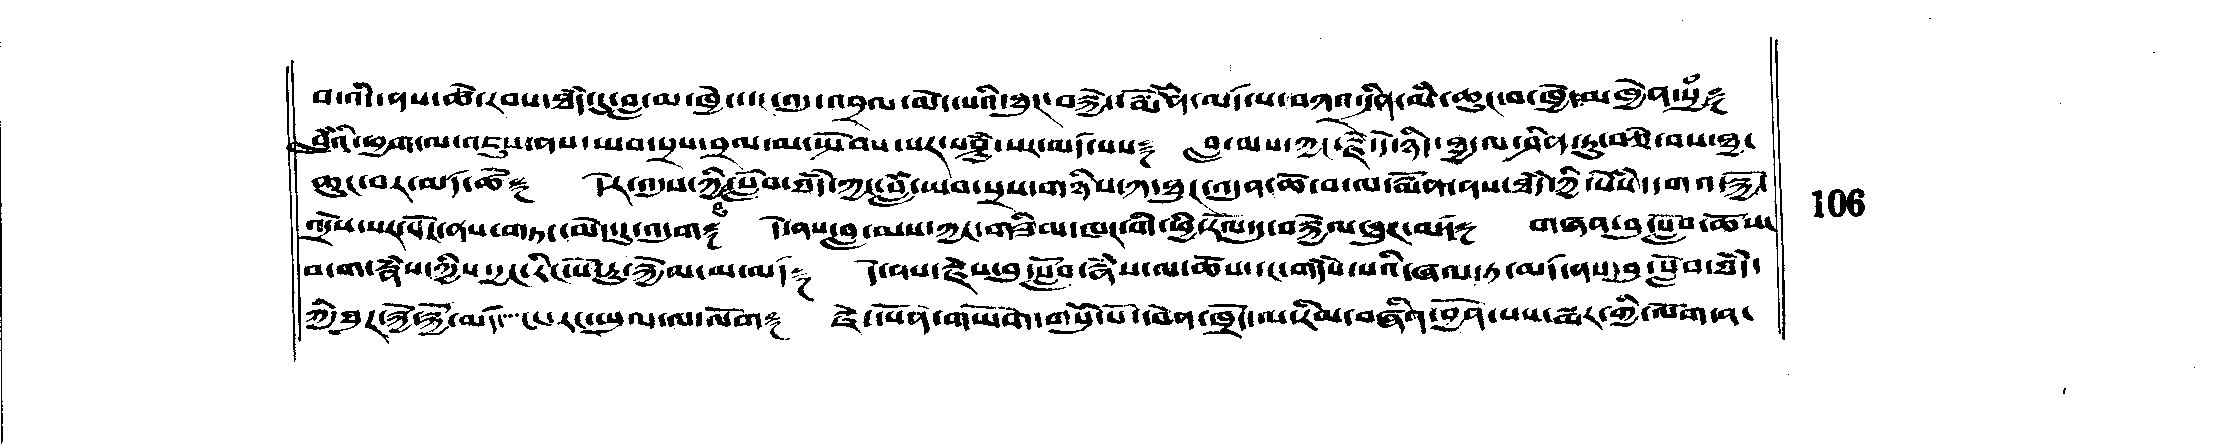བ་འདི་ནས་ཚེ་རབས་ཐམས་ཅད་དུ་བླ་མ་ཁྱེད་དང་འདུ་འབྲལ་མེད་པའི་ཐུགས་བསྐྱེད་སྨོན་ལམ་མཛད་པ་བཀའ་དྲིན་མི་ཆུང་བ་ཁྱེད་མཁྱེན་གསུང་། 
བླ་མའི་ཕྱག་ལ་འཇུས་ནས་ཡབ་སྲས་བྲལ་མ་སྤོབས་པར་བཤུམ་པར་མཛད་པས། བླ་མས་ཀྱང་རྗེ་དེ་ཉིད་ཐུགས་ལ་ཤིན་ཏུ་བརྩེ་བས་ཐུགས་
ཆུང་བར་མཛད་ཚེ། དེར་འདུས་ཀྱི་བུ་སློབ་ཐམས་ཅད་ཀྱང་བླ་མ་ཡབ་སྲས་གཉིས་ཀ་ཐུགས་འདུན་ཆེ་བ་ལ་སྨོན་ནས་ཐམས་ཅད་ཀྱི་སེམས་དགའ་སྐྱོ་
འདྲེས་པར་སོང་ནས་གཏད་མེད་དུ་འདུག དེ་ནས་བླ་མས་ཀྱང་གཟིམ་ཁང་གི་ཕྱི་རོལ་དུ་བསྐྱེལ་ཐུང་མཛད། གཞན་བུ་སློབ་ཆོས་
བདག་རྣམས་ཀྱིས་རྒྱང་རིང་པོ་རུ་སྐྱེལ་མ་མཛད། དེ་ནས་རྗེ་བུ་སློབ་རྣམས་ལ་ཆོས་དང་གདམས་པའི་ཞལ་ཏ་མཛད་ནས་བུ་སློབ་ཐམས་ཅད་
ཀྱི་ཐུགས་སྐྱོ་སྐྱོ་མཛད་ངང་རང་ཡུལ་ལ་ལོག རྗེ་དཔོན་གཡོག་གསུམ་པོ་དབེན་ཁྲོད་ལ་རིམ་བཞིན་བྱོན་པས་སྨར་གྱི་ལོག་ན་